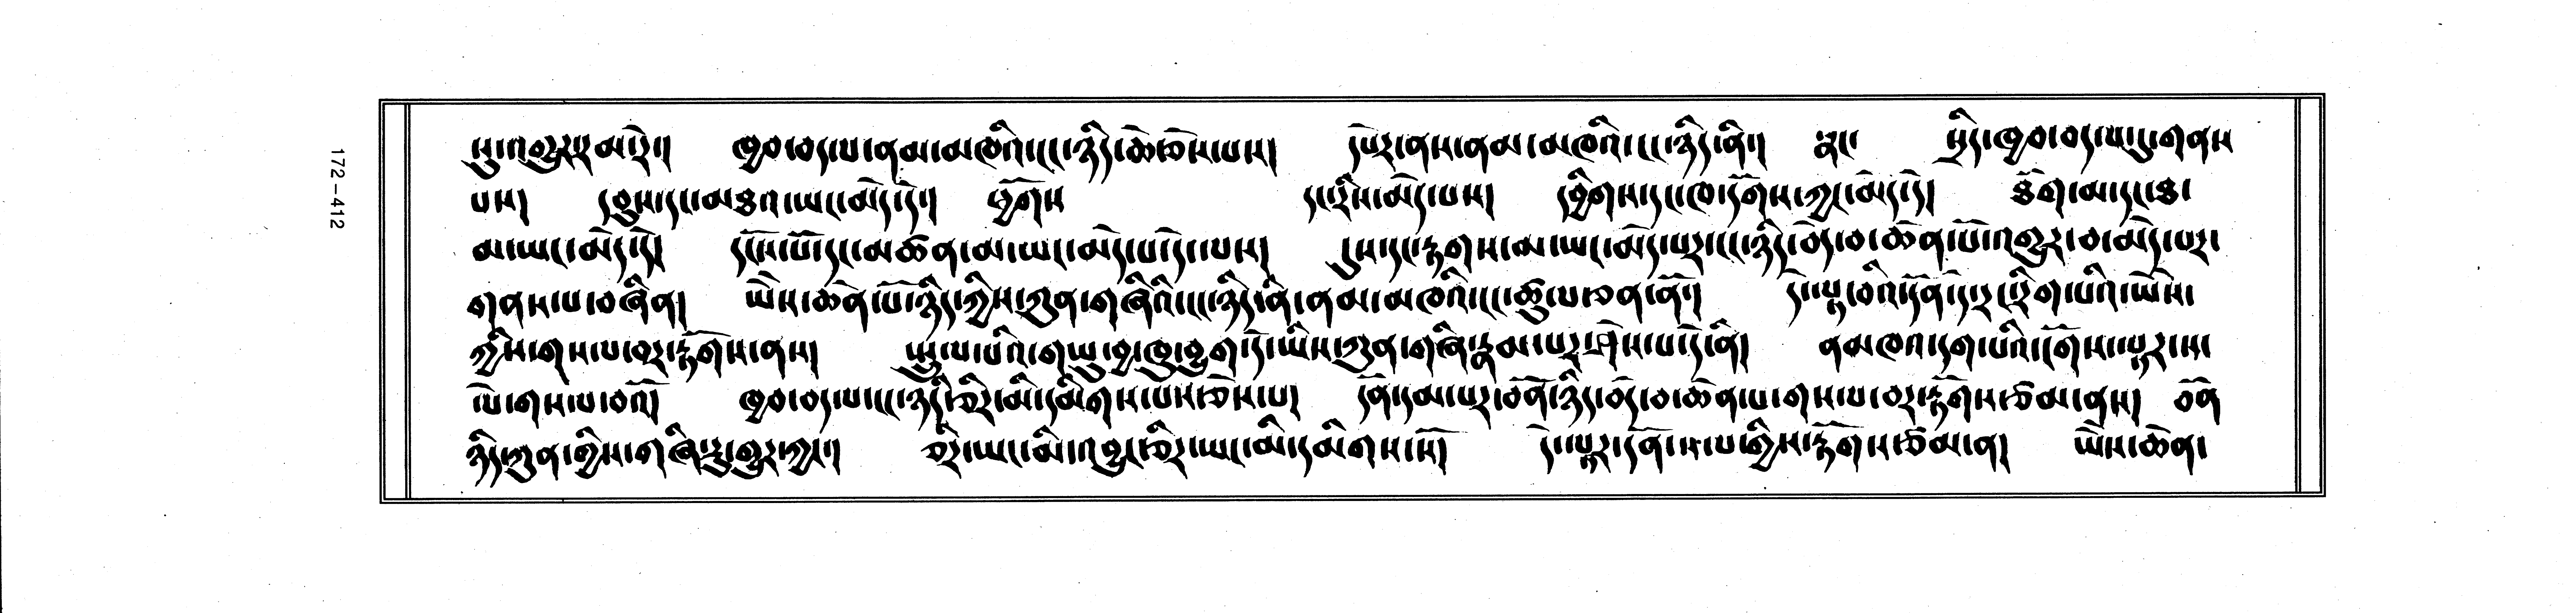སུ་འགྱུར་རམ་རེ། ཁྱབ་བདལ་ནམ་མཁའི་ངང་ཉིད་ཆེ་ཅེས་པས། དཔེར་ན་ནམ་མཁའི་ངང་ཉིད་ནི། སྣང་སྲིད་ཁྱབ་བདལ་དུ་གནས་
པས། དབུས་དང་མཐའ་ཡང་མེད་དེ། ཕྱོགས་དང་རིས་མེད་པས། དབྱིབས་དང་ཁ་དོག་ཀྱང་མེད་དེ། ཐོག་མ་དང་ཐ་
མ་ཡང་མེད་དེ། དངོས་པོ་དང་མཚན་མ་ཡང་མེད་པ་དེ་ལས། དུས་དང་རྟགས་མ་ཡང་མེད་པར་ངང་ཉིད་བདེ་བ་ཆེན་པོ་འགྱུར་བ་མེད་པར་
གནས་པ་བཞིན། ཡེ་ཤེས་ཆེན་པོ་ཉིད་ཀྱིས་ཀུན་གཞིའི་ངང་ཉིད་ནི་ནམ་མཁའི་ངང་ཚུལ་ཅན་ནོ། དེ་ལྟ་བའི་དོན་དེ་རང་རིག་པའི་ཡེ་ཤེས་
ཀྱིས་གསལ་བར་རྟོགས་ནས། སྤྲུལ་པའི་གཡུ་བྱ་ཁུ་བྱུག་དེ་ཡིས་ཀུན་གཞི་རྣམ་པར་ཤེས་པ་དེ་ནི། ནམ་མཁའ་དག་པའི་ངོགས་ལྟར་ས་
ལེ་གསལ་བའོ། ཁྱབ་བདལ་ངང་ཉིད་ཅིར་མི་དམིགས་པས་ཅེས་པ། དོན་དམ་པར་བོན་ཉིད་བདེ་བ་ཆེན་པོ་གསལ་བར་རྟོགས་ཙམ་ནས། བོན་
ཉིད་ཀུན་གྱིས་གཞི་རུ་གྱུར་ཀྱང་། ཅིར་ཡང་མི་འབྱུང་ཅིར་ཡང་མི་དམིགས་སོ། དེ་ལྟར་དོན་སལ་གྱིས་རྟོགས་ཙམ་ན། ཡེ་ཤེས་ཆེན་